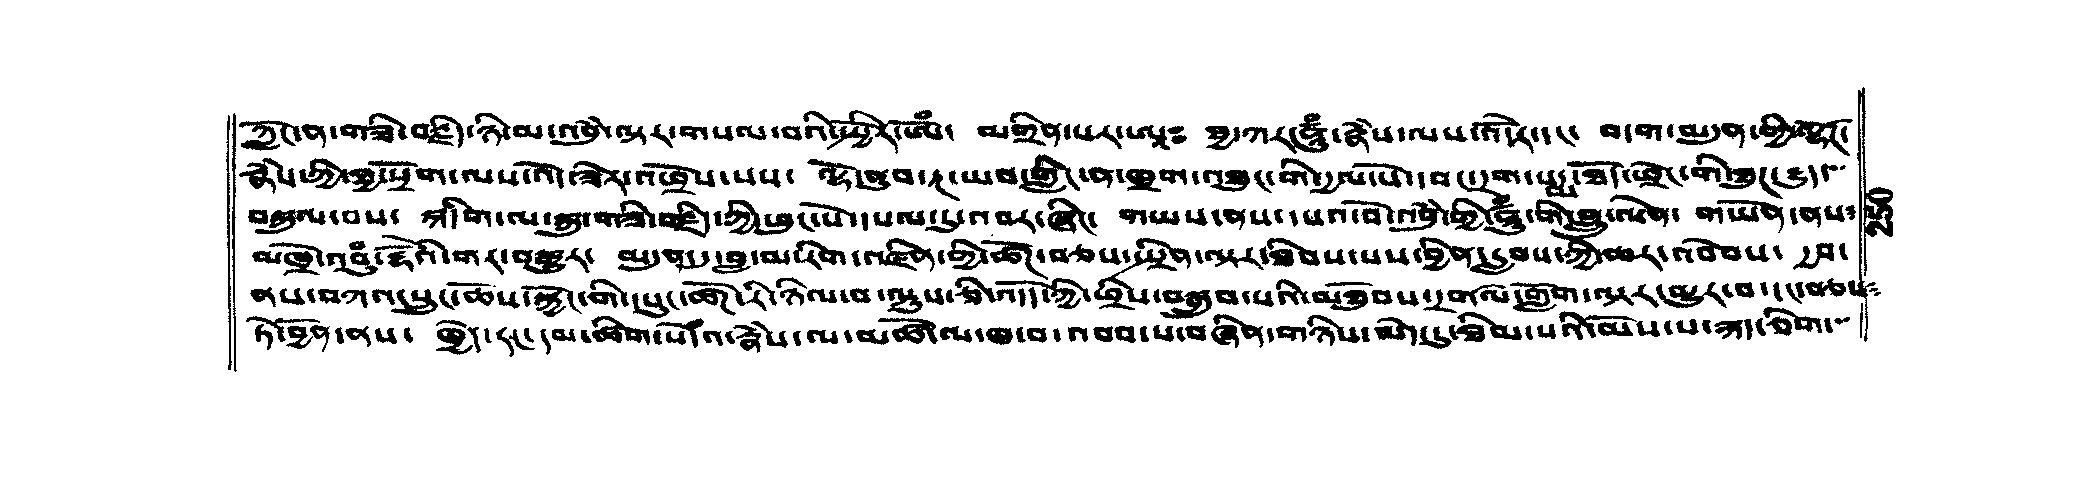ཀློང་ན་གཟི་བརྗིད་ཉི་མ་འབུམ་ལྟར་གསལ་བའི་སྤྱི་བོར་ཨོྃ། མགྲིན་པར་ཨཱཿ ཐུགས་ཀར་ཧཱུྃ་རྣམས་་ལས་འོད་ཟེར་དང་། བདག་མདུན་གྱི་ལྷ་ཚོགས་
རྣམས་ཀྱི་ཐུགས་སྲོག་ལས་འོད་ཟེར་འཕྲོས་པས། ལྷོ་ནུབ་རྔ་ཡབ་གླིང་ན་ཁྲག་འཐུང་གི་རྒྱལ་པོ་དབང་དྲག་པདྨ་ཐོད་ཕྲེང་གི་ཐུགས་རྒྱུད་
བསྐུལ་བས། སྐད་ཅིག་ལ་སྐུ་གཟི་བརྗིད་ཀྱི་དཔལ་དུ་འབར་ཞིང་། གཡས་ནས་དཔལ་བོ་འབུམ་གྱི་ཧཱུྃ་གི་གླུ་ལེན། གཡོན་ནས་
མཁའ་འགྲོ་འབུམ་རྡོ་རྗེའི་གར་བསྒྱུར། མདུན་དུ་བླ་མ་རིག་འཛིན་གྱི་ཚོགས་བཅས་སྤྲིན་ལྟར་ཐིབས་པས་བྱིན་རླབས་ཀྱི་ཆར་འབེབས། རྒྱབ་
ནས་བཀའ་སྲུང་ཆོས་སྐྱོང་གི་དཔུང་ཚོགས་ཉིལ་བ་ལྟ་བུས་ཅི་འདོད་ཀྱི་ཕྲིན་ལས་བསྒྲུབ་པའི་མཐུ་སྟོབས་དྲག་པོ་རྩལ་གློག་ལྟར་མྱུར་བ་དང་བཅས་
ཏེ་བྱོན་ནས།ཁྱོད་རང་དམ་ཚིག་སེམས་དཔལ་རྣམས་ལ་མཚོ་ལ་ཁ་བ་འབབ་པ་བཞིན་གཉིས་མེད་དུ་ཐིམ་པའི་མོས་པ་སྐད་ཅིག་